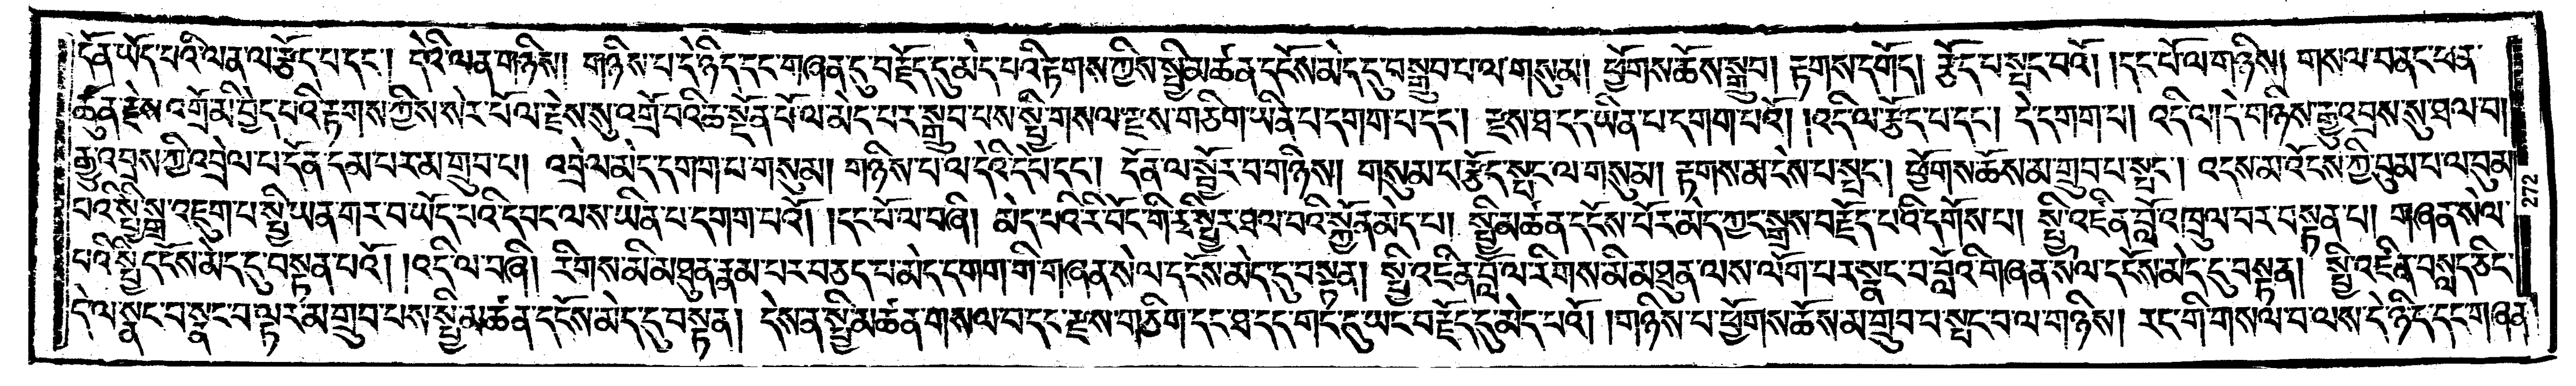དོན་ཡོད་པའི་ལན་ལ་རྩོད་པ་དང་། དེའི་ལན་གཉིས། གཉིས་པ་དེ་ཉིད་དང་གཞན་དུ་བརྗོད་དུ་མེད་པའི་རྟགས་ཀྱིས་སྤྱི་མཚན་དངོས་མེད་དུ་བསྒྲུབ་པ་ལ་གསུམ། ཕྱོགས་ཆོས་སྒྲུབ། རྟགས་དགོད། རྩོད་པ་སྤང་བའོ། །དང་པོ་ལ་གཉིས། གསལ་བ་ནང་ཕན་
ཚུན་རྗེས་འགྲོ་མི་བྱེད་པའི་རྟགས་ཀྱིས་སེར་པོ་ལ་རྗེས་སུ་འགྲོ་བའི་ཆ་སྔོན་པོ་ལ་མེད་པར་སྒྲུབ་པས་སྤྱི་གསལ་རྫས་གཅིག་ཡིན་པ་དགག་པ་དང་། རྫས་ཐ་དད་ཡིན་པ་དགག་པའོ། །འདི་ལ་རྩོད་པ་དང་། དེ་དགག་པ། འདི་ལ། དེ་གཉིས་རྒྱུ་འབྲས་སུ་ཐལ་བ།
རྒྱུ་འབྲས་ཀྱི་འབྲེལ་པ་དོན་དམ་པར་མ་གྲུབ་པ། འབྲེལ་མེད་དགག་པ་གསུམ། གཉིས་པ་ལ་དེའི་དཔེ་དང་། དོན་ལ་སྦྱོར་བ་གཉིས། གསུམ་པ་རྩོད་སྤང་ལ་གསུམ། རྟགས་མ་ངེས་པ་སྤང་། ཕྱོགས་ཆོས་མ་གྲུབ་པ་སྤང་། འདས་མ་འོངས་ཀྱི་བུམ་པ་ལ་བུམ་
པའི་སྤྱི་སྒྲ་འཇུག་པ་སྤྱི་ཡན་གར་བ་ཡོད་པའི་དབང་ལས་ཡིན་པ་དགག་པའོ། །དང་པོ་ལ་བཞི། མེད་པའི་རི་བོང་གི་རྭ་སྤྱིར་ཐལ་བའི་སྐྱོན་མེད་པ། སྤྱི་མཚན་དངོས་པོར་མེད་ཀྱང་སྒྲས་བརྗོད་པའི་དགོས་པ། སྤྱི་འཛིན་བློ་འཁྲུལ་བར་བསྟན་པ། གཞན་སེལ་
པའི་སྤྱི་དངོས་མེད་དུ་བསྟན་པའོ། །འདི་ལ་བཞི། རིགས་མི་མཐུན་རྣམ་པར་བཅད་པ་མེད་དགག་གི་གཞན་སེལ་དངོས་མེད་དུ་བསྟན། སྤྱི་འཛིན་བློ་ལ་རིགས་མི་མཐུན་ལས་ལོག་པར་སྣང་བ་བློའི་གཞན་སེལ་དངོས་མེད་དུ་བསྟན། སྤྱི་འཛིན་བསླད་ཅིང་
དེ་ལ་སྣང་བ་སྣང་བ་ལྟར་མ་གྲུབ་པས་སྤྱི་མཚན་དངོས་མེད་དུ་བསྟན། དེས་ན་སྤྱི་མཚན་གསལ་བ་དང་རྫས་གཅིག་དང་ཐ་དད་གང་དུ་ཡང་བརྗོད་དུ་མེད་པའོ། །གཉིས་པ་ཕྱོགས་ཆོས་མ་གྲུབ་པ་སྤང་བ་ལ་གཉིས། རང་གི་གསལ་བ་ལས་དེ་ཉིད་དང་གཞན་